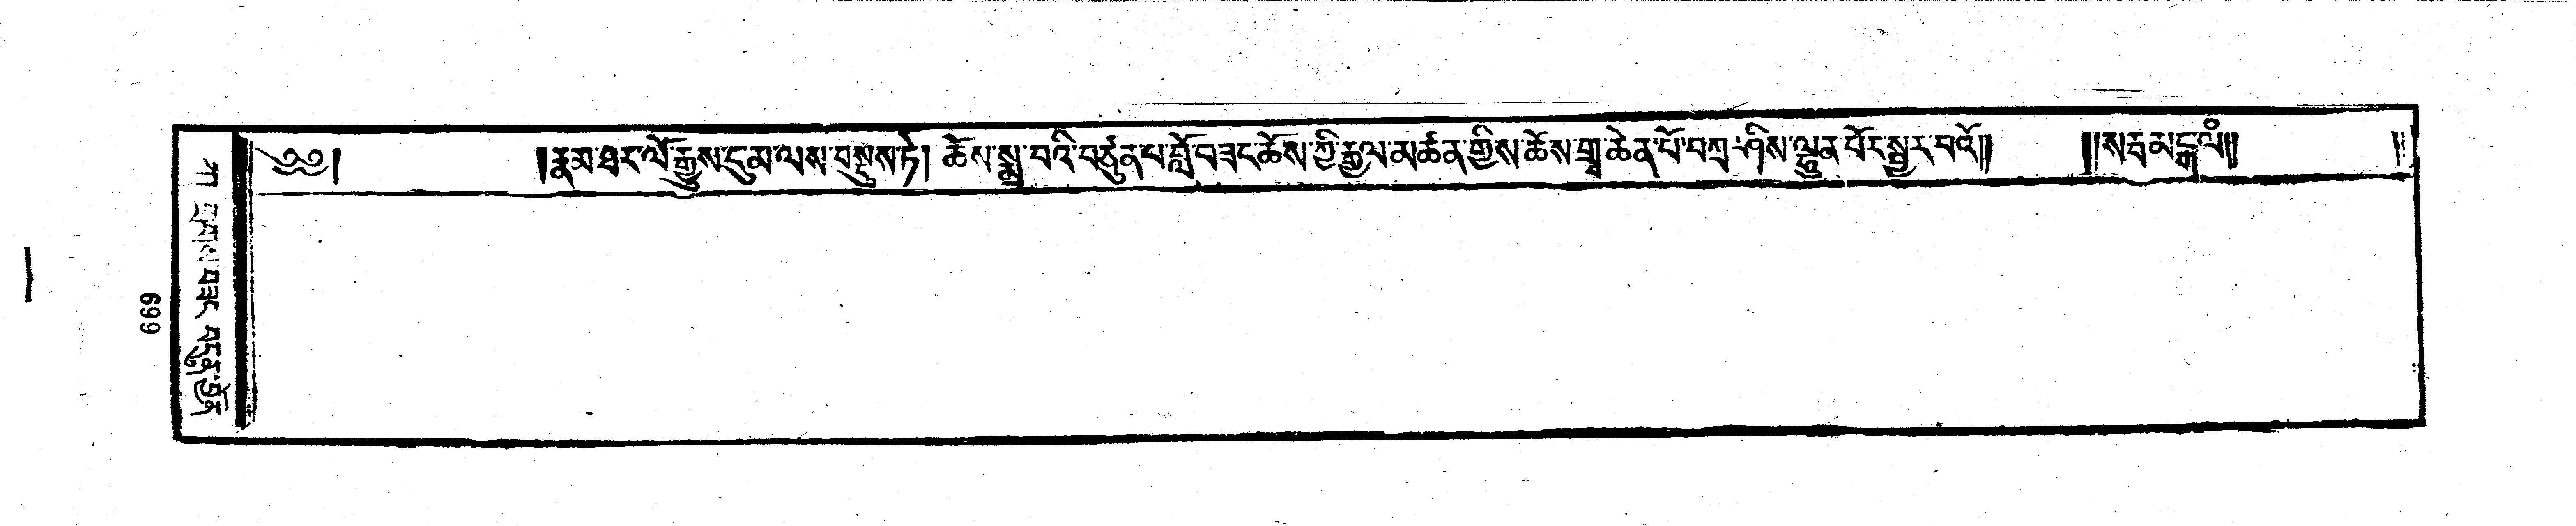༄༅། །རྣམ་ཐར་ལོ་རྒྱུས་དུ་མ་ལས་བསྡུས་ཏེ། ཆོས་སྨྲ་བའི་བཙུན་པ་བློ་བཟང་ཆོས་ཀྱི་རྒྱལ་མཚན་གྱིས་ཆོས་གྲྭ་ཆེན་པོ་བཀྲ་ཤིས་ལྷུན་པོར་སྦྱར་བའོ།། །།སརྦ་མངྒ་ལཾ།། །